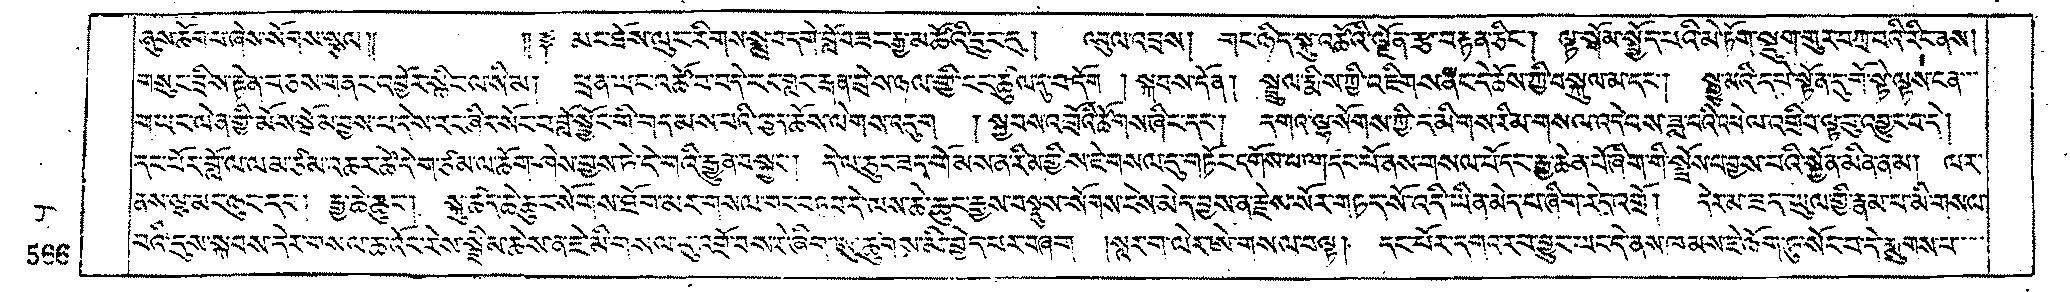ཞུས་ཆོག་པ་ཞེས་སོགས་སྩལ།། །། འ་མང་ཐོས་ལུང་རིགས་སྨྲ་བ་དགེ་བློ་བཟང་རྒྱ་མཚོའི་དྲུང་དུ། འབུལ་འབྲས། གང་ཉིད་སྐུ་འཚོའི་ལྗོན་རྩ་བརྟན་ཅིང་། ལྟ་སྒོམ་སྤྱོད་པའི་མེ་ཏོག་སྡུག་གུར་བཀྲ་བའི་རིང་ནས།
གསུང་བྲིས་རྟེན་བཅས་གནང་འབྱོར་སྙིང་ལ་སིམ། ཕྲན་ཡང་འཚོ་བ་བདེ་ངང་གླང་རྒན་བྲེས་ཉལ་གྱི་ངང་ཚུལ་དུ་བདོག །སྐབས་དོན། སྦྲུལ་རྨིས་ཀྱི་འཇིགས་སྣང་དེ་ཆོས་ཀྱི་བསྐུལ་མ་དང་། སྒྱུར་མའི་དཔེ་སྟོན་དུ་གོ་སྟེ་ལྟས་ངན་་་
གཡང་ལེན་གྱི་མོས་སྒོམ་བྱས་པ་དེས་རང་ཞིར་སོང་བ་བློ་སྦྱོང་གི་གདམས་པའི་ཁྱད་ཆོས་ལེགས་འདུག །སྐྱབས་འགྲོའི་ཚོགས་ཞིང་དང་། དགའ་ལྷ་སོགས་ཀྱི་དམིགས་རིམ་གསལ་འདེབས་ཟླ་བའི་འཕེལ་འགྲིབ་ལྟ་བུ་འབྱུང་བ་དེ།
དང་པོར་བློ་ལ་ལམ་ཙམ་འཆར་ཚེ་དེ་ག་ཙམ་ལ་ཆོག་ཤེས་བྱས་ཏེ་དེ་གའི་རྒྱུན་བསྐྱང་། དེ་ལ་ཅུང་ཟད་གོམས་ན་རིམ་གྱིས་ཇེ་གསལ་དུ་གཏོང་དགོས་པ་ལ། དང་པོ་ནས་གསལ་པོ་དང་རྒྱ་ཆེན་པོ་ཞིག་གི་སྤྲོས་པ་བྱས་པའི་སྐྱོན་མིན་ནམ། ལར་
ནས་ལྷ་མང་ཉུང་དང་། རྒྱ་ཆེ་ཆུང་། སྐུ་ཚད་ཆེ་ཆུང་སོགས་ཐོག་མར་གསལ་གང་བཏབ་དེ་ལས་ཆེ་ཆུང་རྒྱས་བསྡུས་སོགས་ངེས་མེད་བྱས་ན་རྗེས་སོར་གཏད་སོ་འདི་ཡིན་མེད་པ་ཞིག་རེད་འགྲོ། དེར་མ་ཟད་ཡུལ་གྱི་རྣམ་པ་མི་གསལ་
བའི་དུས་སྐབས་དེར་གསལ་ཆ་འོང་རེས་སྒྲིམ་ཆེས་ན་ཇེ་མི་གསལ་དུ་འགྲོ་བས་རེ་ཞིག་ཨུ་ཚུགས་མི་བྱེད་པར་བཞག །སླར་ག་ལེར་ཨེ་གསལ་བལྟ། དང་པོར་དགའ་རབ་བྱུང་ཡང་དེ་ནས་ཁམས་ཇེ་ཉོག་ཏུ་སོང་བ་དེ་རྨུགས་པ་་་